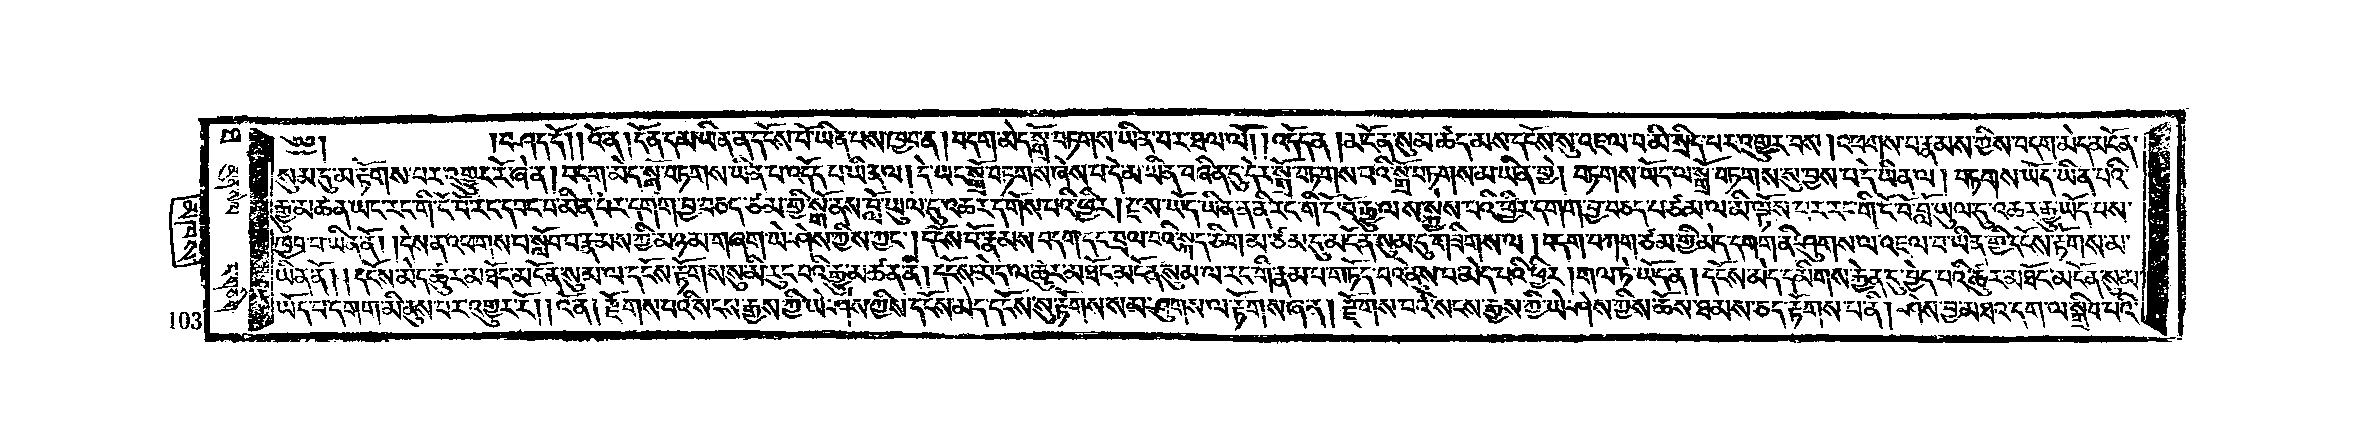༄༅། །བཤད་དོ། །འོ་ན། དོན་དམ་ཡིན་ན་དངོས་པོ་ཡིན་པས་ཁྱབ་ན། བདག་མེད་སྒྲོ་བཏགས་ཡིན་པར་ཐལ་ལོ། །འདོད་ན། མངོན་སུམ་ཚད་མས་དངོས་སུ་འཇལ་བ་མི་སྲིད་པར་འགྱུར་བས། འཕགས་པ་རྣམས་ཀྱིས་བདག་མེད་མངོན་
སུམ་དུ་མ་རྟོགས་པར་འགྱུར་རོ་ཞེ་ན། བདག་མེད་སྒྲོ་བཏགས་ཡིན་པ་འདོད་པ་ཡིན་ལ། དེ་ཡང་སྒྲོ་བཏགས་ཞེས་པ་དེ་མ་ཡིན་བཞིན་དུ་དེར་སྒྲོ་བཏགས་པའི་སྒྲོ་བཏགས་མ་ཡིན་གྱི། བཏགས་ཡོད་ལ་སྒྲོ་བཏགས་སུ་བྱས་པ་དེ་ཡིན་ལ། བཏགས་ཡོད་ཡིན་པའི་
རྒྱུ་མཚན་ཡང་རང་གི་ངོ་བོ་རང་དབང་བ་མིན་པར་དགག་བྱ་བཅད་ཙམ་གྱི་སྒོ་ནས་བློ་ཡུལ་དུ་འཆར་དགོས་པའི་ཕྱིར། རྫས་ཡོད་ཡིན་ན་ནི་རང་གི་ངོ་བོ་རྒྱུ་ལས་སྐྱེས་པའི་ཕྱིར་དགག་བྱ་བཅད་པ་ཙམ་ལ་མི་ལྟོས་པར་རང་གི་ངོ་བོ་བློ་ཡུལ་དུ་འཆར་རྒྱུ་ཡོད་པས་
ཁྱབ་པ་ཡིན་ནོ། །དེས་ན་འཕགས་པ་སློབ་པ་རྣམས་ཀྱི་མཉམ་གཞག་ཡེ་ཤེས་ཀྱིས་ཀྱང་། དངོས་པོ་རྣམས་བདག་དང་བྲལ་བའི་སྐད་ཅིག་མ་ཙམ་དུ་མངོན་སུམ་དུ་གཟིགས་ལ། བདག་བཀག་ཙམ་གྱི་མེད་དགག་ནི་ཤུགས་ལ་འཇལ་བ་ཡིན་གྱི་དངོས་རྟོགས་མ་
ཡིན་ནོ། །དངོས་མེད་ཚུར་མཐོང་མངོན་སུམ་ལ་དངོས་རྟོགས་སུ་མི་རུང་བའི་རྒྱུ་མཚན་ནི། དངོས་མེད་ལ་ཚུར་མཐོང་མངོན་སུམ་ལ་རང་གི་རྣམ་པ་གཏོད་པའི་ནུས་པ་མེད་པའི་ཕྱིར། གལ་ཏེ་ཡོད་ན། དངོས་མེད་དམིགས་རྐྱེན་དུ་བྱེད་པའི་ཚུར་མཐོང་མངོན་སུམ་
ཡོད་པ་དགག་མི་ནུས་པར་འགྱུར་རོ། །འོ་ན། རྫོགས་པའི་སངས་རྒྱས་ཀྱི་ཡེ་ཤེས་ཀྱིས་དངོས་མེད་དངོས་སུ་རྟོགས་སམ་ཤུགས་ལ་རྟོགས་ཞེ་ན། རྫོགས་པའི་སངས་རྒྱས་ཀྱི་ཡེ་ཤེས་ཀྱིས་ཆོས་ཐམས་ཅད་རྟོགས་པ་ནི། ཤེས་བྱ་མཐའ་དག་ལ་སྒྲིབ་པའི་